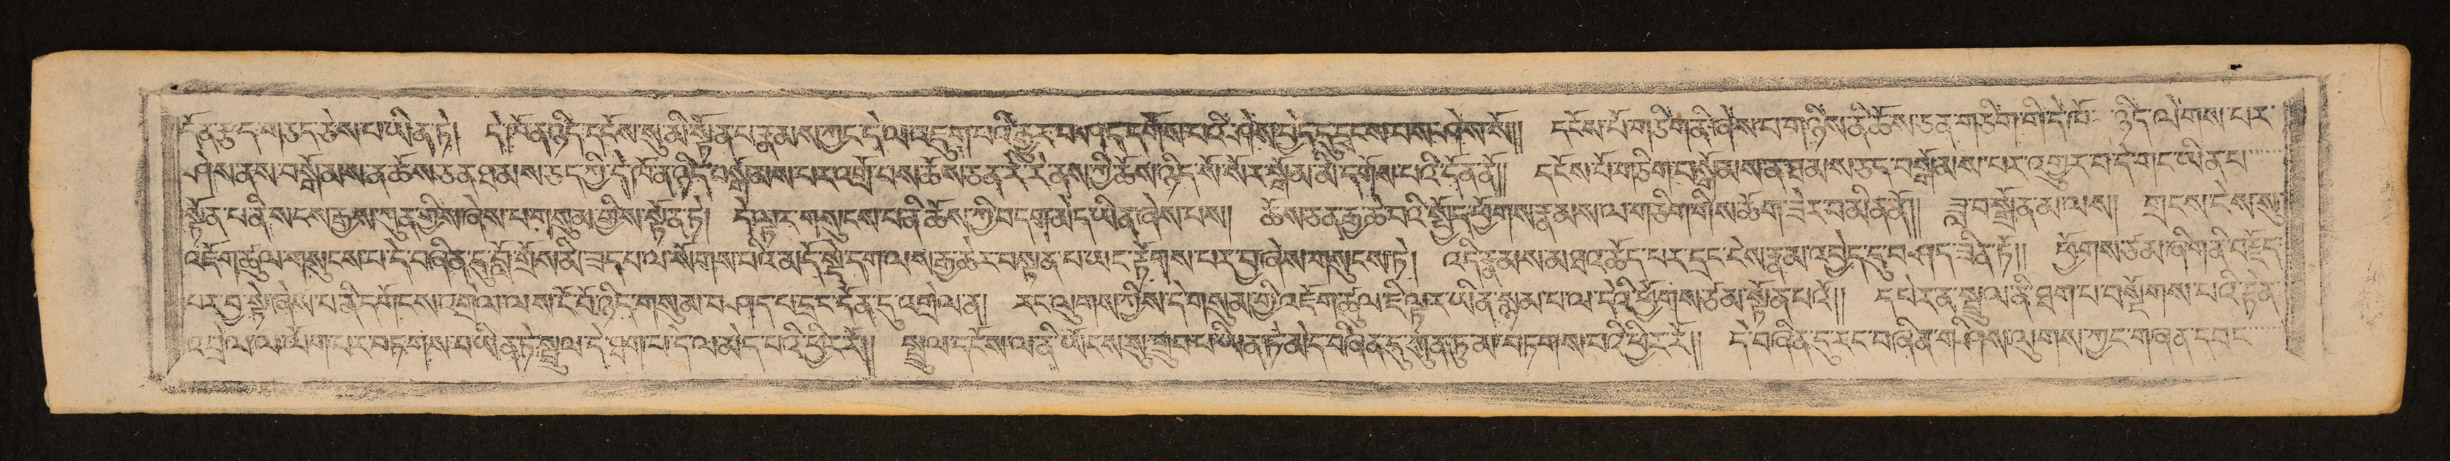དོན་རྩད་གཅད་ཅེས་པ་ཡིན་ཏེ། དེ་ཁོ་ན་ཉིད་དངོས་སུ་མི་སྟོན་པ་རྣམས་ཀྱང་དེ་ལ་འཇུག་པའི་རྒྱུར་བཤད་དགོས་པའི་ཤེས་བྱེད་དུ་དྲངས་པས་ཤེས་སོ།། དངོས་པོ་གཅིག་ནི་ཞེས་པ་གཉིས་ནི་ཆོས་ཅན་གཅིག་གི་དེ་ཁོ་ན་ཉིད་ལེགས་པར་
ཤེས་ནས་བསྒོམས་ན་ཆོས་ཅན་ཐམས་ཅད་ཀྱི་དེ་ཁོ་ན་ཉིད་བསྒོམས་པར་འགྲོ་བས་ཆོས་ཅན་རེ་རེ་ནས་ཀྱི་ཆོས་ཉིད་སོ་སོར་སྒོམ་མི་དགོས་པའི་དོན་ནོ།། དངོས་པོ་གཅིག་བསྒོམས་ན་ཐམས་ཅད་བསྒོམས་པར་འགྱུར་བ་དེ་གང་ཡིན་པ་
སྟོན་པ་ནི་སངས་རྒྱས་ཀུན་གྱིས་ཞེས་པ་གསུམ་གྱིས་སྟོན་ཏེ། དེ་ལྟར་གསུངས་པ་ནི་ཆོས་ཀྱི་བདག་མེད་ཡིན་ཞེས་པས། ཆོས་ཅན་རྒྱ་ཆེ་བའི་སྤྱོད་ཕྱོགས་རྣམས་ལ་གཅིག་གིས་ཆོག་ཟེར་བ་མིན་ནོ།། ཟླ་བ་སྒྲོན་མ་ལས། གྲངས་ངེས་སུ་
འཇོག་ཚུལ་གསུངས་པ་དེ་བཞིན་དུ་བློ་གྲོས་མི་ཟད་པ་ལ་སོགས་པའི་མདོ་སྡེ་དག་ལས་རྒྱ་ཆེར་བསྟན་པ་ཡང་རྟོགས་པར་བྱ་ཞེས་གསུངས་ཏེ། འདི་རྣམས་མཐའ་ཆོད་པར་དྲང་ངེས་རྣམ་འབྱེད་དུ་བཤད་ཟིན་ཏོ།། ཕྱོགས་ཙམ་ཞིག་ནི་བརྗོད་
པར་བྱ་སྟེ་ཞེས་པ་ནི་དགོངས་འགྲེལ་ལས་ངོ་བོ་ཉིད་གསུམ་བཤད་པ་དྲང་དོན་དུ་འགྲེལ་ན་རང་ལུགས་ཀྱིས་དེ་གསུམ་གྱི་འཇོག་ཚུལ་ཇི་ལྟར་ཡིན་སྙམ་པ་ལ་དེའི་ཕྱོགས་ཙམ་སྟོན་པའོ།། དཔེར་ན་སྦྲུལ་ནི་ཐག་པ་བསྡོགས་པའི་རྟེན་
འབྲེལ་ལ་ལོག་པར་བཏགས་པ་ཡིན་ཏེ་སྦྲུལ་དེ་ཐག་པ་དེ་ལ་མེད་པའི་ཕྱིར་རོ།། སྦྲུལ་དངོས་ལ་ནི་ཡོངས་སུ་གྲུབ་པ་ཡིན་ཏེ་མེད་བཞིན་དུ་ཀུན་ཏུ་མ་བཏགས་པའི་ཕྱིར་རོ།། དེ་བཞིན་དུ་རང་བཞིན་གཤིས་ལུགས་ཀྱང་གཞན་དབང་